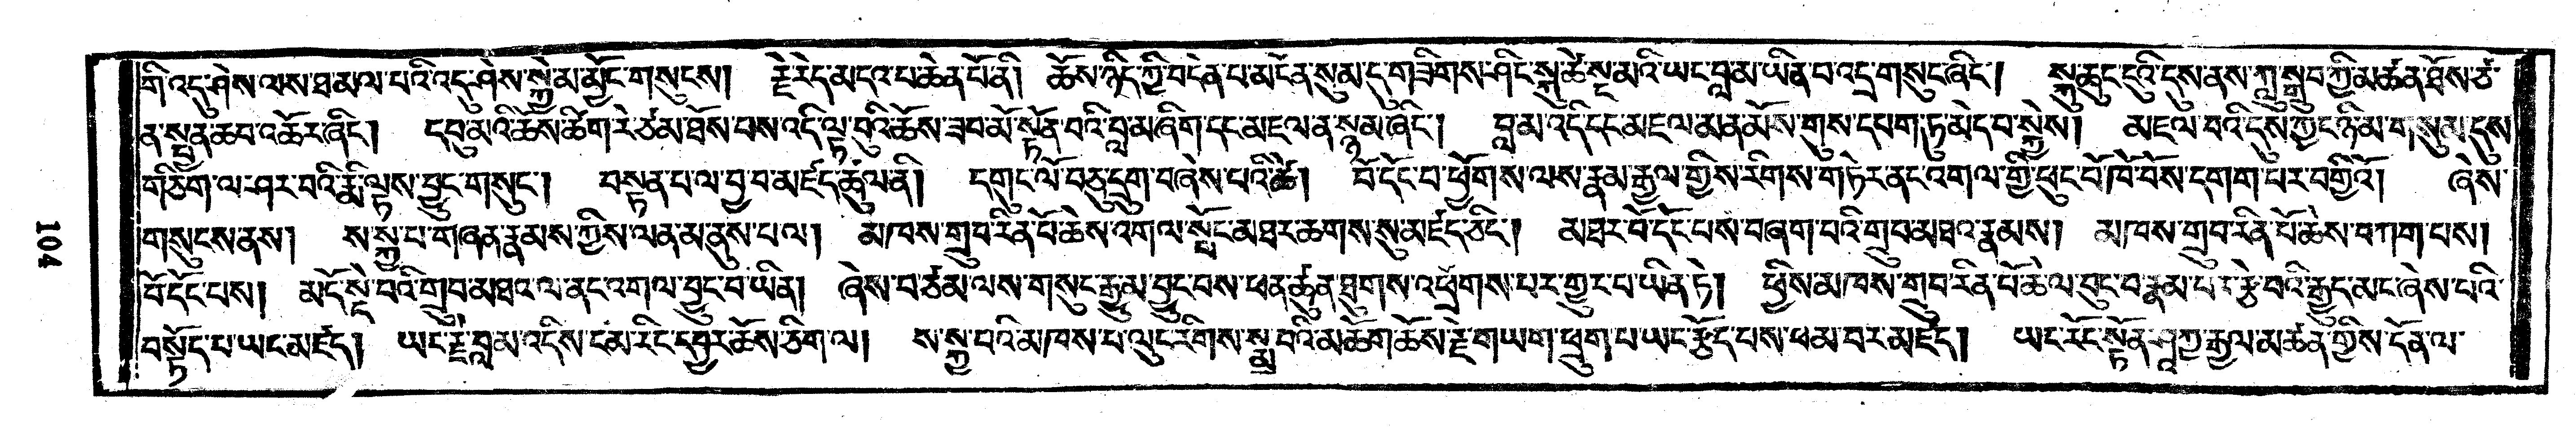གི་འདུ་ཤེས་ལས་ཐ་མལ་པའི་འདུ་ཤེས་སྐྱེ་མ་མྱོང་གསུངས། རྗེ་རེད་མདའ་པ་ཆེན་པོ་ནི། ཆོས་ཉིད་ཀྱི་བདེན་པ་མངོན་སུམ་དུ་གཟིགས་ཤིང་སྐུ་ཚེ་སྔ་མའི་ཡང་བླ་མ་ཡིན་པ་འདྲ་གསུང་ཞིང་། སྐུ་ཆུང་ངུའི་དུས་ནས་ཀླུ་སྒྲུབ་ཀྱི་མཚན་ཐོས་ཙ་
ན་སྤྱན་ཆབ་འཆོར་ཞིང་། དབུ་མའི་ཆོས་ཚིག་རེ་ཙམ་ཐོས་པས་འདི་ལྟ་བུའི་ཆོས་ཟབ་མོ་སྟོན་པའི་བླ་མ་ཞིག་དང་མཇལ་ན་སྙམ་ཞིང་། བླ་མ་འདི་དང་མཇལ་མན་མོས་གུས་དཔག་ཏུ་མེད་པ་སྐྱེས། མཇལ་བའི་དུས་ཀྱང་ཉི་མ་གསུམ་དུས་
གཅིག་ལ་ཤར་བའི་རྨི་ལྟས་བྱུང་གསུང་། བསྟན་པ་ལ་བྱ་བ་མཛད་ཚུལ་ནི། དགུང་ལོ་བཅུ་དྲུག་བཞེས་པའི་ཚེ། བོ་དོང་བ་ཕྱོགས་ལས་རྣམ་རྒྱལ་གྱིས་རིགས་གཏེར་ནང་འགལ་གྱི་ཕུང་པོ་ཁོ་བོས་དགག་པར་བགྱིའོ། ཞེས་
གསུངས་ནས། ས་སྐྱ་པ་གཞན་རྣམས་ཀྱིས་ལན་མ་ནུས་པ་ལ། མཁས་གྲུབ་རིན་པོ་ཆེས་འགལ་སྤོང་མཐར་ཆགས་སུ་མཛད་ཅིང་། མཐར་བོ་དོང་པས་བཞག་པའི་གྲུབ་མཐའ་རྣམས། མཁས་གྲུབ་རིན་པོ་ཆེས་བཀག་པས།
བོ་དོང་པས། མདོ་སྡེ་པའི་གྲུབ་མཐའ་ལ་ནང་འགལ་བྱུང་བ་ཡིན། ཞེས་པ་ཙམ་ལས་གསུང་རྒྱུ་མ་བྱུང་བས་ཕན་ཚུན་ཐུགས་འཕྲོགས་པར་གྱུར་པ་ཡིན་ཏེ། ཕྱིས་མཁས་གྲུབ་རིན་པོ་ཆེ་ལ་བུང་བ་རྣམ་པར་རྩེ་བའི་རྒྱུད་མང་ཞེས་པའི་
བསྟོད་པ་ཡང་མཛད། ཡང་རྗེ་བླ་མ་འདིས་ངམ་རིང་དབྱར་ཆོས་ཅིག་ལ། ས་སྐྱ་བའི་མཁས་པ་ལུང་རིགས་སྨྲ་བའི་མཆོག་ཆོས་རྗེ་གཡག་ཕྲུག་པ་ཡང་རྩོད་པས་ཕམ་བར་མཛད། ཡང་རོང་སྟོན་ཤཱཀྱ་རྒྱལ་མཚན་གྱིས་དོན་ལ་